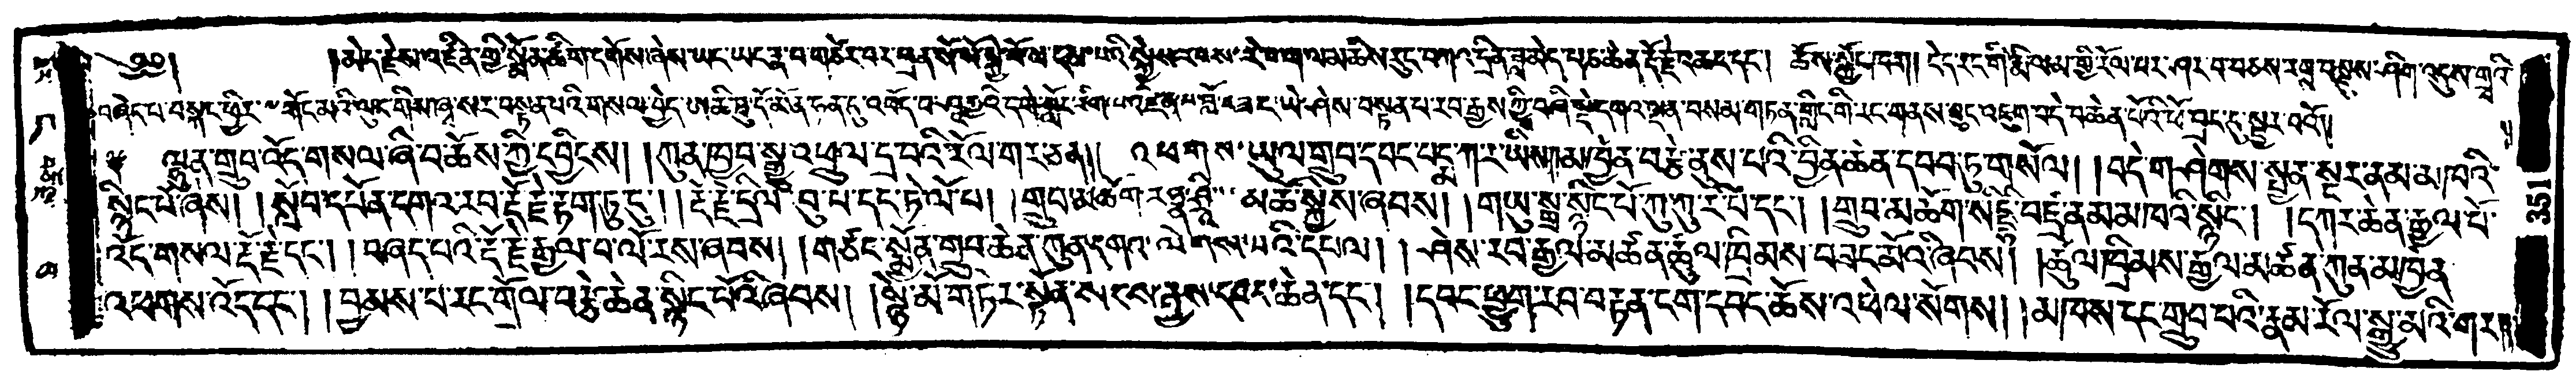༄༅། །མེད་རྗེས་འཛིན་གྱི་སྨོན་ཚིག་དགོས་ཞེས་ཡང་ཡང་རྣ་བ་གཙེར་བར་ཕྲན་སོ་སོ་སྐྱེ་བོ་ལ་དམ་པའི་སྐྱེས་རབས་རེ་བ་ག་ལ་མཆིས་རུང་བཀའ་དྲིན་ཟླ་མེད་པཎ་ཆེན་རྡོ་རྗེ་འཆང་དང་། ཆོས་སྐྱོང་ཁག །ངེད་རང་གི་རྨི་ལམ་གྱི་རོལ་པར་ཤར་བ་བཅས་རགས་བསྡུས་ཤིག་འདུས་གྲྭའི་
བཞེད་པ་བསྐང་ཕྱིར ༧་གོང་མའི་ལུང་གིས་ཞྭ་སར་བསྟན་པའི་གསལ་བྱེད་ཨ་ཆི་ཐུ་དོ་མོན་ཧན་དུ་འབོད་པ་ཤཱཀྱའི་དགེ་སློང་རིག་པ་འཛིན་པ་བློ་བཟང་ཡེ་ཤེས་བསྟན་པ་རབ་རྒྱས་ཀྱིས་བཞི་སྡེ་དགའ་ལྡན་བསམ་གཏན་གླིང་གི་རང་གནས་ཟུང་འཇུག་བདེ་བ་ཆེན་པོའི་ཕོ་བྲང་དུ་སྦྱར་བའོ། །
༈ ལྷུན་གྲུབ་འོད་གསལ་ཞི་བ་ཆོས་ཀྱི་དབྱིངས། །ཀུན་ཁྱབ་སྒྱུ་འཕྲུལ་དྲ་བའི་རོལ་གར་ཅན། །འཕགས་ཡུལ་གྲུབ་དབང་པདམ་ཀ་ར་ཡིས། །མཁྱེན་བརྩེ་ནུས་པའི་བྱིན་ཆེན་དབབ་ཏུ་གསོལ། །བདེ་གཤེགས་སྤྱན་སྔར་ནམ་མཁའི་
སྙིང་པོ་ཞེས། །སློབ་དཔོན་དགའ་རབ་རྡོ་རྗེ་རྟག་ཏུ་ངུ། །རྡོ་རྗེ་དྲིལ་བུ་པ་དང་ཏེ་ལོ་པ། །གྲུབ་མཆོག་རཏྣ་ཤྲཱི་མཚོ་སྐྱེས་ཞབས། །གཡུ་སྒྲ་སྙིང་པོ་ཀུ་ཀུ་ར་པི་དང་། །གྲུབ་མཆོག་སིདྡྷི་བྫྲ་ནམ་མཁའི་སྙིང་། །དཀར་ཆེན་རྒྱལ་པོ་
འོད་གསལ་རྡོ་རྗེ་དང་། །བཞད་པའི་རྡོ་རྗེ་རྒྱལ་བ་ལོ་རས་ཞབས། །གཙང་སྨྱོན་གྲུབ་ཆེན་ཀུན་དགའ་ལེགས་པའི་དཔལ། །ཤེས་རབ་རྒྱལ་མཚན་ཚུལ་ཁྲིམས་བཟང་མོའི་ཞབས། །ཚུལ་ཁྲིམས་རྒྱལ་མཚན་ཀུན་མཁྱེན་
འཕགས་འོད་དང་། །བྱམས་པ་རང་གྲོལ་བརྩེ་ཆེན་སྙིང་པོའི་ཞབས། །སྙེ་མོ་གཏེར་སྟོན་སངས་རྒྱས་དབང་ཆེན་དང་། །དབང་ཕྱུག་རབ་བརྟན་ངག་དབང་ཆོས་འཕེལ་སོགས། །མཁས་དང་གྲུབ་པའི་རྣམ་རོལ་སྒྱུ་མའི་གར། །